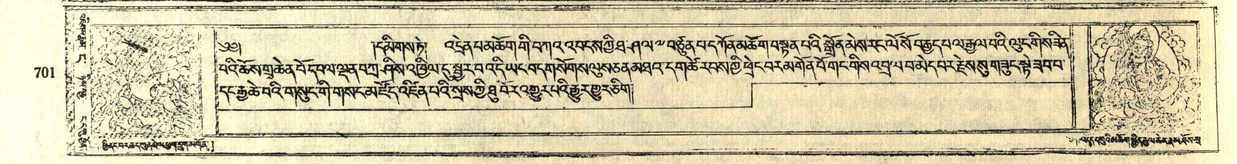༄༅། །དམིགས་ཏེ། འདྲེན་པ་མཆོག་གི་བཀའ་འབངས་ཀྱི་ཐ་ཤ་བཙུན་པ་དཀོན་མཆོག་བསྟན་པའི་སྒྲོན་མེས་རང་ལོ་སོ་བརྒྱད་པ་ལ་རྒྱལ་བའི་ལུང་གིས་ཟིན་
བའི་ཆོས་གྲྭ་ཆེན་པོ་དཔལ་ལྡན་བཀྲ་ཤིས་འཁྱིལ་དུ་སྦྱར་བ་འདི་ཡང་བདག་སོགས་ལུས་ཅན་མཐའ་དག་ཚེ་རབས་ཀྱི་ཕྲེང་བར་མགོན་པོ་གང་གིས་འབྲལ་བ་མེད་པར་རྗེས་སུ་གཟུང་སྟེ་ཟབ་པ་
དང་རྒྱ་ཆེ་བའི་གསུང་གི་གསང་མཛོད་འཛིན་པའི་སྲས་ཀྱི་ཐུ་བོར་འགྱུར་བའི་རྒྱུར་གྱུར་ཅིག།